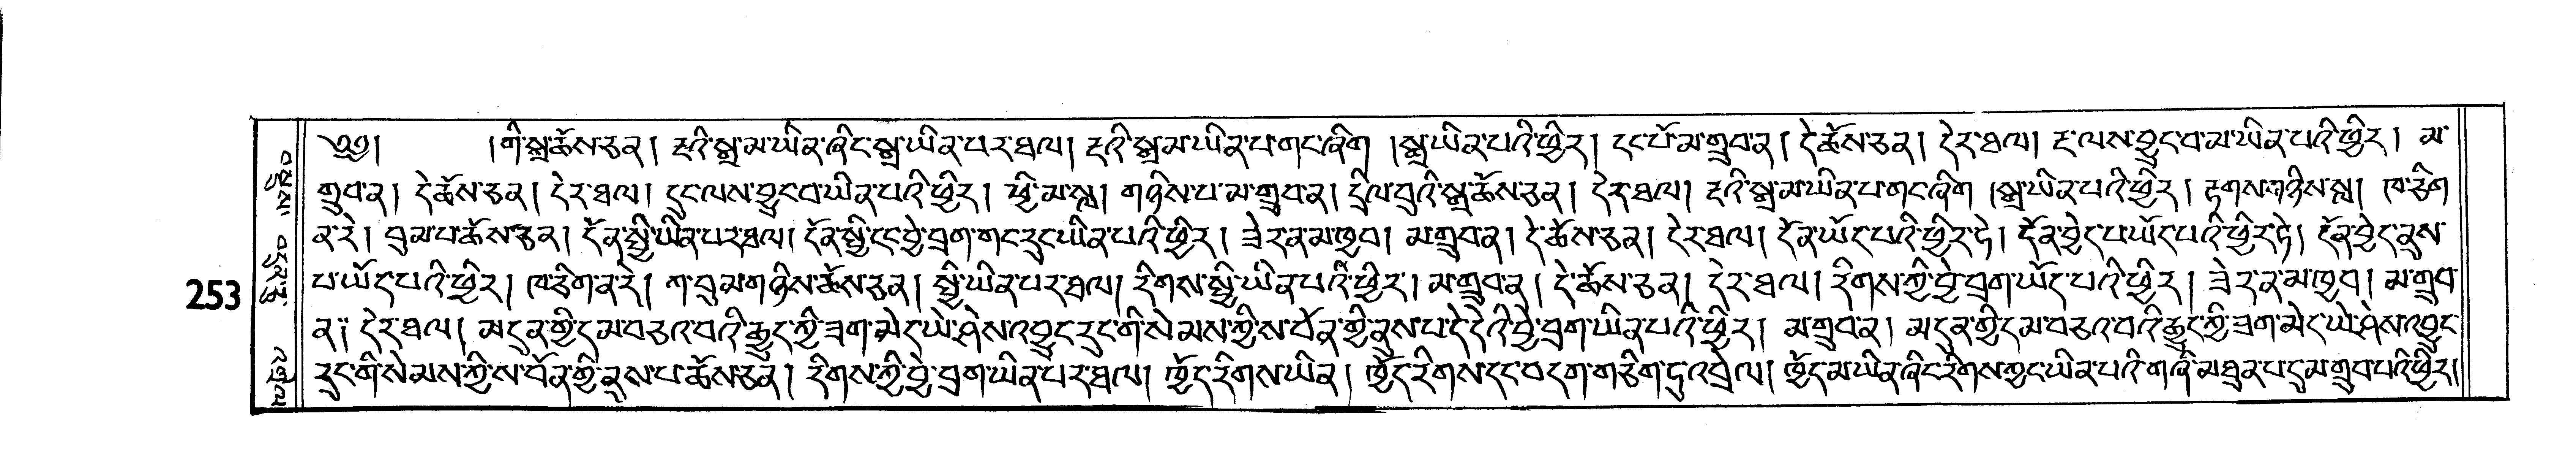༄༅། །གི་སྒྲ་ཆོས་ཅན། རྔའི་སྒྲ་མ་ཡིན་ཞིང་སྒྲ་ཡིན་པར་ཐལ། རྔའི་སྒྲ་མ་ཡིན་པ་གང་ཞིག །སྒྲ་ཡིན་པའི་ཕྱིར། དང་པོ་མ་གྲུབ་ན། དེ་ཆོས་ཅན། དེར་ཐལ། རྔ་ལས་བྱུང་བ་མ་ཡིན་པའི་ཕྱིར། མ་
གྲུབ་ན། དེ་ཆོས་ཅན། དེར་ཐལ། དུང་ལས་བྱུང་བ་ཡིན་པའི་ཕྱིར། ཕྱི་མ་སླ། གཉིས་པ་མ་གྲུབ་ན། དྲིལ་བུའི་སྒྲ་ཆོས་ཅན། དེར་ཐལ། རྔའི་སྒྲ་མ་ཡིན་པ་གང་ཞིག །སྒྲ་ཡིན་པའི་ཕྱིར། རྟགས་གཉིས་སླ། ཁ་ཅིག་
ན་རེ། བུམ་པ་ཆོས་ཅན། དོན་སྤྱི་ཡིན་པར་ཐལ། དོན་སྤྱི་དང་བྱེ་བྲག་གང་རུང་ཡིན་པའི་ཕྱིར། ཟེར་ན་མ་ཁྱབ། མ་གྲུབ་ན། དེ་ཆོས་ཅན། དེར་ཐལ། དོན་ཡོད་པའི་ཕྱིར་ཏེ། དོན་བྱེད་པ་ཡོད་པའི་ཕྱིར་ཏེ། དོན་བྱེད་ནུས་
པ་ཡོད་པའི་ཕྱིར། ཁ་ཅིག་ན་རེ། ཀ་བུམ་གཉིས་ཆོས་ཅན། སྤྱི་ཡིན་པར་ཐལ། རིགས་སྤྱི་ཡིན་པའི་ཕྱིར། མ་གྲུབ་ན། དེ་ཆོས་ཅན། དེར་ཐལ། རིགས་ཀྱི་བྱེ་བྲག་ཡོད་པའི་ཕྱིར། ཟེར་ན་མ་ཁྱབ། མ་གྲུབ་
ན༑ དེར་ཐལ། མདུན་གྱི་དམ་བཅའ་བའི་རྒྱུད་ཀྱི་ཟག་མེད་ཡེ་ཤེས་འབྱུང་རུང་གི་སེམས་ཀྱི་ས་བོན་གྱི་ནུས་པ་དེ་དེའི་བྱེ་བྲག་ཡིན་པའི་ཕྱིར། མ་གྲུབ་ན། མདུན་གྱི་དམ་བཅའ་བའི་རྒྱུད་ཀྱི་ཟག་མེད་ཡེ་ཤེས་འབྱུང་
རུང་གི་སེམས་ཀྱི་ས་བོན་གྱི་ནུས་པ་ཆོས་ཅན། རིགས་ཀྱི་བྱེ་བྲག་ཡིན་པར་ཐལ། ཁྱོད་རིགས་ཡིན། ཁྱོད་རིགས་དང་བདག་གཅིག་ཏུ་འབྲེལ། ཁྱོད་མ་ཡིན་ཞིང་རིགས་ཀྱང་ཡིན་པའི་གཞི་མཐུན་པ་དུ་མ་གྲུབ་པའི་ཕྱིར། །